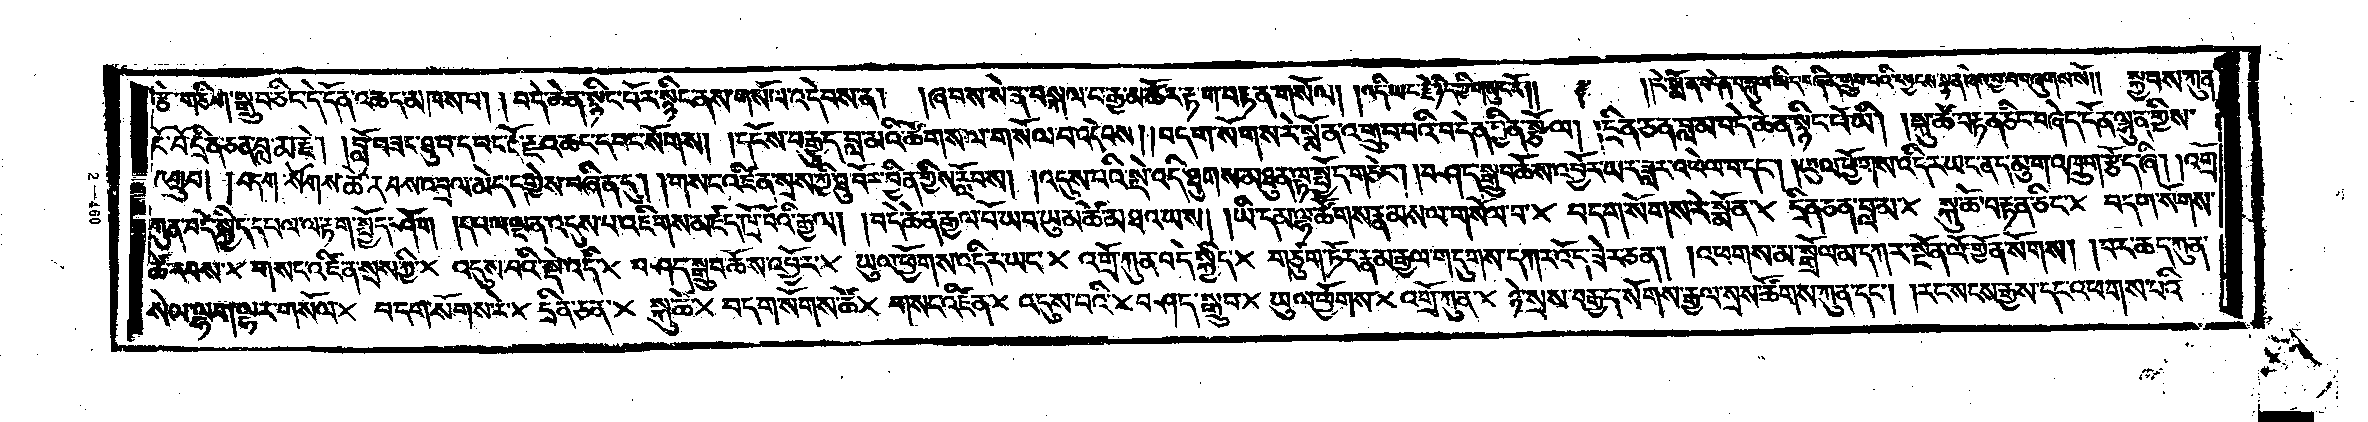རྩེ་གཅིག་སྒྲུབ་ཅིང་དེ་དོན་འཆད་མཁས་པ། །བདེ་ཆེན་སྙིང་པོར་སྙིང་ནས་གསོལ་འདེབས་ན། །ཞབས་སེན་བསྐལ་པ་རྒྱ་མཚོར་རྟག་བརྟན་གསོལ། །འདི་ཡང་རྗེ་ཉིད་ཀྱི་གསུང་རོ།། ༈ །།རེ་སྨོན་བདེན་བསྐུལ་ཡིད་བཞིན་གྲུབ་པའི་དབྱངས་སྙན་ཞེས་བྱ་བ་བཞུགས་སོ།།  སྐྱབས་སུ་
ངོ་བོ་དྲིན་ཅན་བླ་མ་རྗེ། །བློ་བཟང་ཐུབ་དབང་རྡོ་རྗེ་འཆང་དབང་སོགས། །དངོས་བརྒྱུད་བླ་མའི་ཚོགས་ལ་གསོལ་བ་འདེབས། །བདག་སོགས་རེ་སྨོན་འགྲུབ་པའི་བདེན་བྱིན་སྩོལ། །དྲིན་ཅན་བླ་མ་བདེ་ཆེན་སྙིང་པོ་ཡི། །སྐུ་ཚེ་བརྟན་ཅིང་བཞེད་དོན་ལྷུན་གྱིས་
འགྲུབ། །བདག་སོགས་ཚེ་རབས་འབྲལ་མེད་དགྱེས་བཞིན་དུ། །གསང་འཛིན་སྲས་ཀྱི་ཐུ་བོར་བྱིན་གྱིས་རློབས། །འདུས་པའི་སྡེ་འདི་ཐུགས་མཐུན་ལྟ་སྤྱོད་གཅེང་། །བཤད་སྒྲུབ་ཆོས་འབྱོར་ཡར་ཟླར་འཕེལ་བ་དང་། །ཡུལ་ཕྱོགས་འདིར་ཡང་ནད་མུག་འཁྲུག་རྩོད་ཞི། །འགྲོ་
ཀུན་བདེ་སྐྱིད་དཔལ་ལ་རྟག་སྤྱོད་ཤོག །དཔལ་ལྡན་འདུས་པ་འཇིགས་མཛད་ཁྲོ་བོའི་རྒྱལ། །བདེ་ཆེན་རྒྱལ་བོ་ཡབ་ཡུམ་ཚེ་མཐའ་ཡས། །ཡི་དམ་ལྷ་ཚོགས་རྣམས་ལ་གསོལ་བ་྾་བདག་སོགས་རེ་སྨོན་྾་དྲིན་ཅན་བླ་མ་྾་སྐུ་ཚེ་བརྟན་ཅིང་྾་བདག་སོགས་
ཚེ་རབས་྾་གསང་འཛིན་སྲས་ཀྱི་྾་འདུས་བའི་སྡེ་འདི་྾་བཤད་སྒྲུབ་ཆོས་འབྱོར་྾་ཡུལ་ཕྱོགས་འདིར་ཡང་྾་འགྲོ་ཀུན་བདེ་སྐྱིད་྾་གཙུག་ཏོར་རྣམ་རྒྱལ་གདུགས་དཀར་འོད་ཟེར་ཅན། །འཕགས་མ་སྒྲོལ་མ་དཀར་སྔོན་ལོ་གྱོན་སོགས། །བར་ཆད་ཀུན་
སེལ་ལྷག་ལྷར་གསོལ་྾་བདག་སོགས་རེ་྾་དྲིན་ཅན་྾་སྐུ་ཚེ་྾་བདག་སོགས་ཚེ་྾་གསང་འཛིན་྾་འདུས་པའི་྾་བཤད་སྒྲུབ་྾་ཡུལ་ཕྱོགས་྾་འགྲོ་ཀུན་྾་ཉེ་སྲས་བརྒྱུད་སོགས་རྒྱལ་སྲས་ཚོགས་ཀུན་དང་། རང་སངས་རྒྱས་དང་འཕགས་པའི་